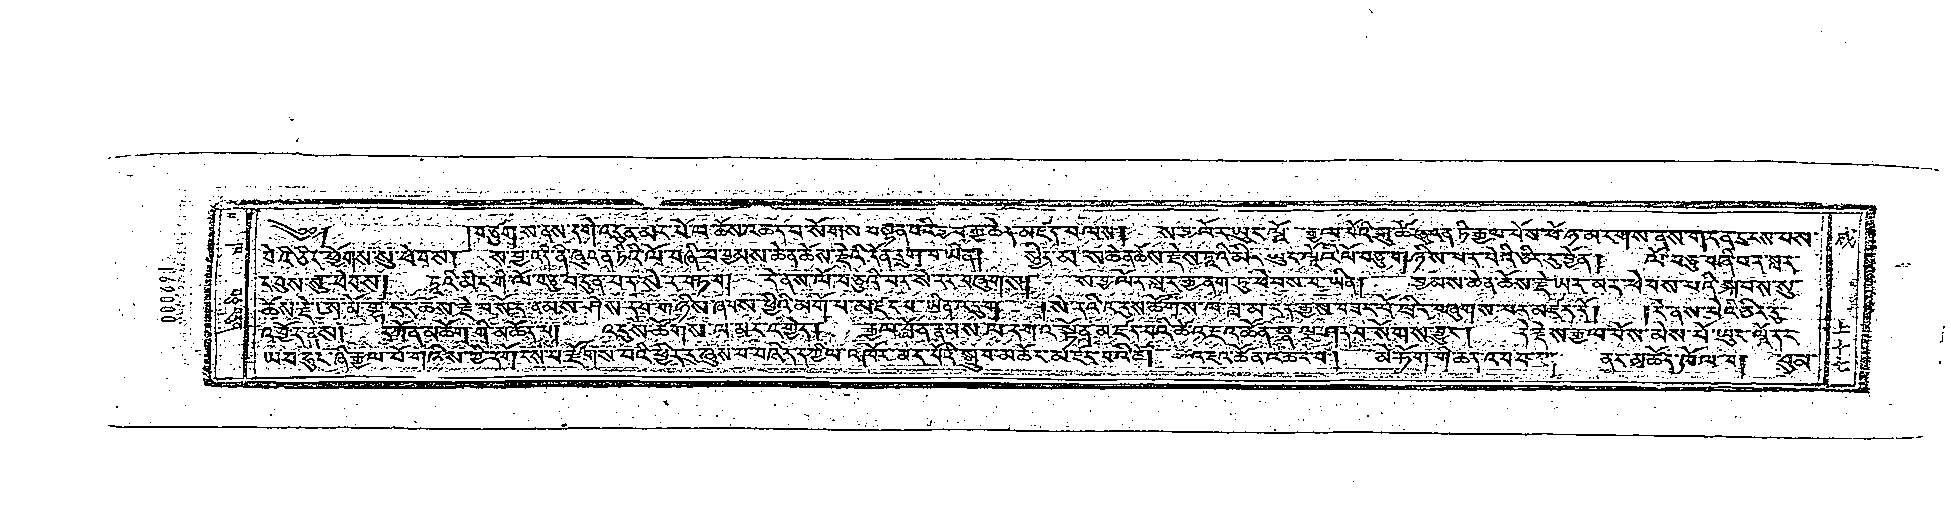༄༅། །བཙུགས་ནས་དགེ་འདུན་མང་པོ་ལ་ཆོས་འཆད་པ་སོགས་བསྟན་པའི་བྱ་བ་རྒྱ་ཆེར་མཛད་པ་ལས། ས་བྱ་ལོར་ཡུང་ལO་རྒྱལ་པོའི་སྐུ་ཚེ་ཞུའན་ཏི་རྒྱལ་པོས་ཕོ་ཉ་མངགས་ནས་གདན་དྲངས་པས་
བེའི་ཅིང་ཕྱོགས་སུ་ཕེབས། ས་བྱ་འདི་ནི་ཞུའན་ཏིའི་ལོ་བཞི་བ་བྱམས་ཆེན་ཆོས་རྗེའི་དོན་དྲུག་པ་ཡིན། སྤྱིར་མ་ས་ཆེན་ཆོས་རྗེས་ཏཱའི་མིང་ཡུང་ལOའི་ལོ་བཅུ་གཉིས་པར་པེའི་ཅིང་དུ་བྱོན། ལོ་བཅུ་བཞི་པར་སླར་
དབུས་སུ་ཕེབས། ཏཱའི་མིང་གི་ལོ་བཅུ་བདུན་པར་སེ་ར་བཏབ། དེ་ནས་ལོ་བཅུའི་བར་སེ་རར་བཞུགས། ས་བྱ་ལོར་སླར་རྒྱ་ནག་ཏུ་ཕེབས་པ་ཡིན། བྱམས་ཆེན་ཆོས་རྗེ་ཡར་མར་ཕེབས་པའི་སྐབས་སུ་
ཆོས་རྗེ་ཨ་མོ་གྷ་དང་ཆོས་རྗེ་བསོད་ནམས་ཤེས་རབ་གཉིས་ཞབས་ཕྱིའི་མགོ་པ་མཛད་པ་ཡིན་འདུག །སེ་རའི་འདུས་ཚོགས་ལ་བླ་མ་དར་རྒྱས་བཟང་པོ་ཁྲིར་བཞུགས་པར་མཛད་དོ། །དེ་ནས་པེའི་ཅིང་དུ་
འབྱོར་ནས། དཀོན་མཆོག་གི་མཆོད་པ། འདུས་ཚོགས་ལ་མང་འགྱེད། རྒྱལ་བློན་རྣམས་ལ་དགའ་སྟོན་མཛད་པའི་ཚེ་འཇའ་ཚོན་སྣ་ལྔ་ཤར་བ་སོགས་བྱུང་། དེ་རྗེས་རྒྱལ་པོས་མེས་པོ་ཡུང་ལO་དང་
ཡབ་ཧུང་ཞི་རྒྱལ་པོ་གཉིས་ཀྱི་དགོངས་པ་རྫོགས་པའི་ཕྱིར་དུ་ཞུས་པ་བཞིན་དཀྱིལ་འཁོར་མང་པོའི་སྒྲུབ་མཆོད་མཛད་པའི་ཚེ། འཇའ་ཚོན་འཆར་བ། མེ་ཏོག་གི་ཆར་འབབ་པ། ནང་མཆོད་ཁོལ་བ། བུམ་